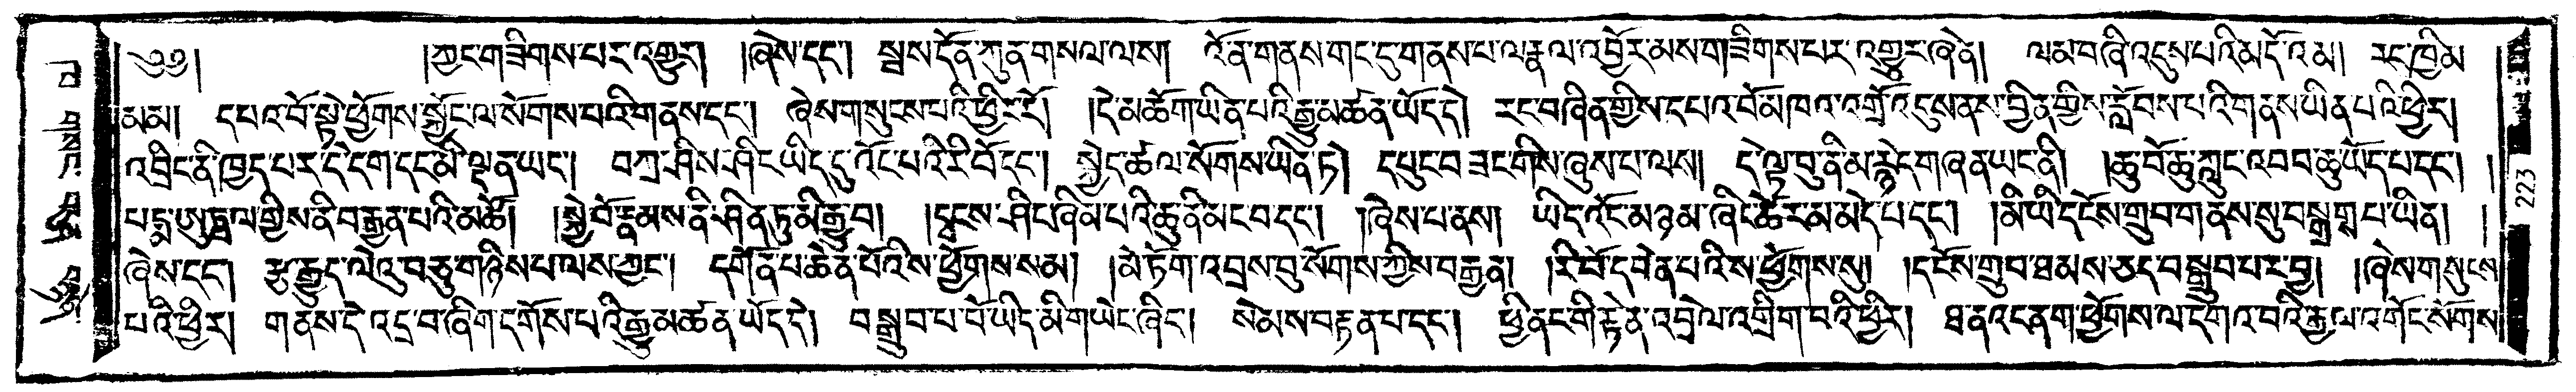༄༅། །ཀྱང་གཟིགས་པར་འགྱུར། །ཞེས་དང་། སྦས་དོན་ཀུན་གསལ་ལས། འོ་ན་གནས་གང་དུ་གནས་པ་ལ་རྣལ་འབྱོར་མས་གཟིགས་པར་འགྱུར་ཞེ་ན། ལམ་བཞི་འདུས་པའི་མདོ་འམ། རང་ཁྱིམ་
མམ། དཔའ་བོ་སྟེ་ཕྱོགས་སྐྱོང་ལ་སོགས་པའི་གནས་དང་། ཞེས་གསུངས་པའི་ཕྱིར་རོ། །དེ་མཆོག་ཡིན་པའི་རྒྱུ་མཚན་ཡོད་དེ། རང་བཞིན་གྱིས་དཔའ་བོ་མཁའ་འགྲོ་འདུས་ནས་བྱིན་གྱིས་རློབས་པའི་གནས་ཡིན་པའི་ཕྱིར།
འབྲིང་ནི་ཁྱད་པར་དེ་དག་དང་མི་ལྡན་ཡང་། བཀྲ་ཤིས་ཤིང་ཡིད་དུ་འོང་པའི་རི་བོ་དང་། སྐྱེད་ཚལ་སོགས་ཡིན་ཏེ། དཔུང་བཟང་གིས་ཞུས་པ་ལས། དེ་ལྟ་བུ་ནི་མ་རྙེད་གཞན་ཡང་ནི། །ཆུ་བོ་ཆུ་ཀླུང་འབབ་ཆུ་ཡོད་པ་དང་། །
པདམ་ཨུཏྤལ་གྱིས་ནི་བརྒྱན་པའི་མཚོ། །སྐྱེ་བོ་རྣམས་ནི་ཤིན་ཏུ་མི་རྒྱུ་བ། །དྭངས་ཤིང་ཞིམ་པའི་ཆུ་ནི་མང་བ་དང་། །ཞེས་པ་ནས། ཡིད་འོང་མཉམ་ཞིང་ཚེར་མ་མེད་པ་དང་། །མི་ཡི་དངོས་གྲུབ་གནས་སུ་བསྒྲགས་པ་ཡིན། །
ཞེས་དང་། རྩ་རྒྱུད་ལེའུ་བཅུ་གཉིས་པ་ལས་ཀྱང་། དགོན་པ་ཆེན་པོའི་ས་ཕྱོགས་སམ། །མེ་ཏོག་འབྲས་བུ་སོགས་ཀྱིས་བརྒྱན། །རི་བོ་དབེན་པའི་ས་ཕྱོགས་སུ། །དངོས་གྲུབ་ཐམས་ཅད་བསྒྲུབ་པར་བྱ། །ཞེས་གསུངས་
པའི་ཕྱིར། གནས་དེ་འདྲ་བ་ཞིག་དགོས་པའི་རྒྱུ་མཚན་ཡོད་དེ། བསྒྲུབ་པ་པོ་ཡིད་མི་གཡེང་ཞིང་། སེམས་བརྟན་པ་དང་། ཕྱི་ནང་གི་རྟེན་འབྲེལ་འགྲིག་བའི་ཕྱིར། ཐ་ནའང་ནག་ཕྱོགས་ལ་དགའ་བའི་རྒྱལ་འགོང་སོགས་